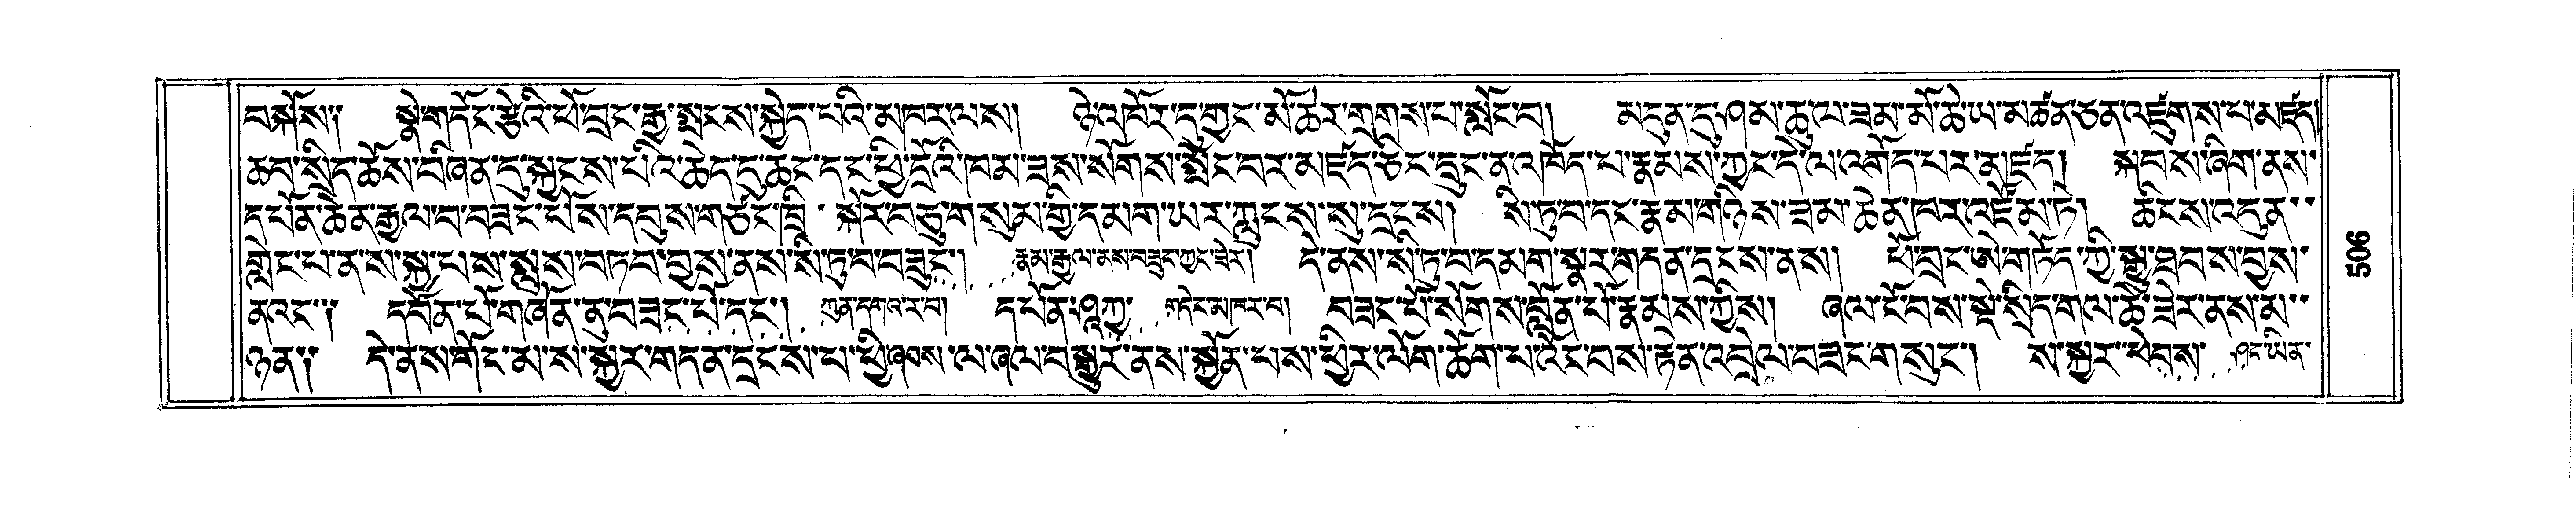བསྐོས༑ སྣེ་གདོང་རྩེའི་ཕོ་བྲང་རྒྱ་སྤངས་སྐྱེད་པའི་མཁར་ལས། ཉེ་འཁོར་དུ་གྱང་མོ་ཆེར་གྲགས་པ་སློང་བ། མདུན་དུ་ཤམ་ཆུ་ལ་ཟམ་མོ་ཆེ་ཡ་མཚན་ཅན་འཛུགས་པ་མཛད།
ཆབ་སྲིད་ཆོས་བཞིན་དུ་སྐྱངས་པའི་ཆེད་དུ་ཆང་དང་ཕྱི་དྲོའི་ཁམ་ཟས་སོགས་སྤོང་བར་མཛད་ཅིང་དྲུང་ན་འཁོད་པ་རྣམས་ཀྱང་དེ་ལ་འགོད་པར་མཛད། སྐབས་ཞིག་ནས་
དཔོན་ཆེན་རྒྱལ་བ་བཟང་པོས་དབུས་གཙང་ཁྲི་སྐོར་བཅུ་གསུམ་གྱི་དམག་ཡར་ཀླུངས་སུ་དྲངས། སི་ཏུ་བ་དང་རྣམ་གཉིས་ཟམ་ཆེན་ཁར་འཛོམ་ཏེ། ཆིངས་འདུན་
གླེང་པ་ན་ས་སྐྱ་པས་སླུས་བཏབ་བྱས་ནས་སི་ཏུ་བ་བཟུང་། རྣམ་རྒྱལ་ནས་བཟུང་ཀྱང་ཟེར།  དེ་ནས་སི་ཏུ་བ་དམག་སྣར་གདན་དྲངས་ནས། ཕོ་བྲང་ཨེ་གཏོད་ཀྱི་སྒྱུ་ཐབས་བྱས་
ནའང༑ དབོན་པོ་གཞོན་ནུ་བཟང་པོ་དང་། ཀུན་དགའ་ར་བ།  དཔོན་ཤཱཀྱ་གདེང་མཁར་བ།  བཟང་པོ་སོགས་བློན་པོ་རྣམས་ཀྱིས། ཞལ་ངོ་བས་སྡེ་སྲིད་གལ་ཆེ་ཟེར་ནས་མ་
ཉན༑ དེ་ནས་གོང་མ་ས་སྐྱར་གདན་དྲངས་པ་ཕྱི་ཞབས་ལ་ཞལ་བསྒྱུར་ནས་སྐྱོན་པས་ཕྱིར་ལོག་ཆོག་པ་འོང་བས་རྟེན་འབྲེལ་བཟང་གསུང་། ས་སྐྱར་ཕེབས་ཤང་ཡིན